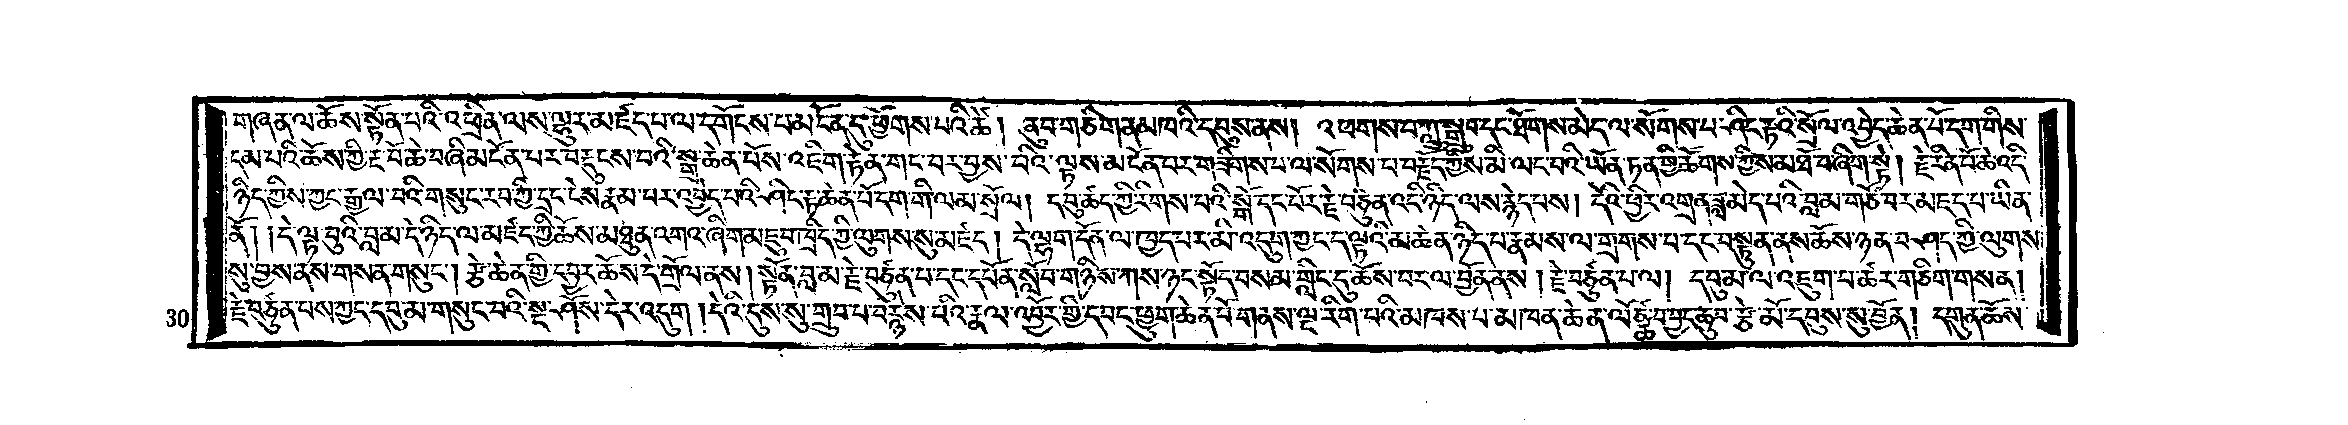གཞན་ལ་ཆོས་སྟོན་པའི་འཕྲིན་ལས་ལྷུར་མཛད་པ་ལ་དགོངས་པ་མངོན་དུ་ཕྱོགས་པའི་ཚེ། ནུབ་གཅིག་ནམ་མཁའི་དབུས་ནས། འཕགས་པ་ཀླུ་སྒྲུབ་དང་ཐོགས་མེད་ལ་སོགས་པ་ཤིང་རྟའི་སྲོལ་འབྱེད་ཆེན་པོ་དག་གིས་
དམ་པའི་ཆོས་ཀྱི་རྔ་བོ་ཆེ་བཞི་མངོན་པར་བརྡུངས་བའི་སྒྲ་ཆེན་པོས་འཇིག་རྟེན་གང་བར་བྱས་པའི་ལྟས་མངོན་པར་གཟིགས་པ་ལ་སོགས་པ་བརྗོད་ཀྱིས་མི་ལང་བའི་ཡོན་ཏན་གྱི་ཚོགས་ཀྱིས་མཐོ་བ་ཞིག་སྟེ། རྗེ་རིན་པོ་ཆེ་འདི་
ཉིད་ཀྱིས་ཀྱང་རྒྱལ་བའི་གསུང་རབ་ཀྱི་དྲང་ངེས་རྣམ་པར་འབྱེད་པའི་ཤིང་རྟ་ཆེན་པོ་དག་གི་ལམ་སྲོལ། དབུ་ཚད་ཀྱི་རིགས་པའི་སྒོ་དང་པོར་རྗེ་བཙུན་འདི་ཉིད་ལས་རྙེད་པས། དེའི་ཕྱིར་འགྲན་ཟླ་མེད་པའི་བླ་མ་གཙོ་བར་མཛད་པ་ཡིན་
ནོ། །དེ་ལྟ་བུའི་བླ་མ་དེ་ཉིད་ལ་མཛད་ཀྱི་ཆོས་མཐུན་འགའ་ཞིག་མཇུབ་ཁྲིད་ཀྱི་ལུགས་སུ་མཛད། དེ་ལྷག་དོན་ལ་ཁྱད་པར་མི་འདུག་ཀྱང་ད་ལྟའི་མཚན་ཉིད་པ་རྣམས་ལ་གྲགས་པ་དང་བསྟུན་ནས་ཆོས་ཉན་བཤད་ཀྱི་ལུགས་
སུ་བྱས་ནས་གསན་གསུང་། རྩེ་ཆེན་གྱི་དབྱར་ཆོས་དེ་གྲོལ་ནས། སྟོན་བླ་མ་རྗེ་བཙུན་པ་དང་དཔོན་སློབ་གཉིས་ཀས་ཉང་སྟོད་བསམ་གླིང་དུ་ཆོས་པར་ལ་བྱོན་ནས། རྗེ་བཙུན་པ་ལ། དབུ་མ་ལ་འཇུག་པ་ཚར་གཅིག་གསན།
རྗེ་བཙུན་པས་ཀྱང་དབུ་མ་གསུང་བའི་སྔ་ཤོས་དེར་འདུག །དེའི་དུས་སུ་གྲུབ་པ་བརྙེས་པའི་རྣལ་འབྱོར་གྱི་དབང་ཕྱུག་ཆེན་པོ་གནས་ལྔ་རིག་པའི་མཁས་པ་མཁན་ཆེན་ལོཙྪ་བ་བྱང་ཆུབ་རྩེ་མོ་དབུས་སུ་བྱོན། དགུན་ཆོས་